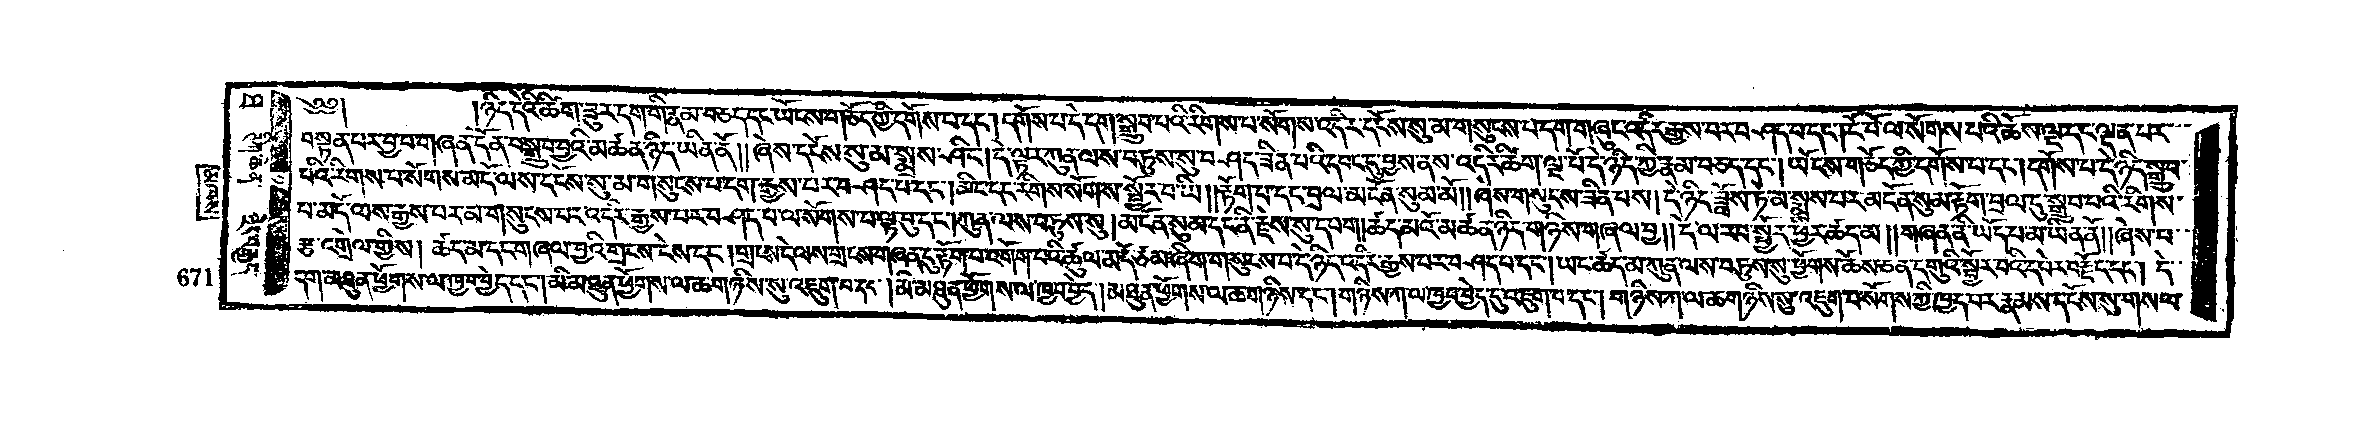༄༅། །ཉིད་དེའི་ཚིག་ཟུར་དག་གི་རྣམ་བཅད་དང་ཡོངས་གཅོད་ཀྱི་དགོས་པ་དང་། དགོས་པ་དེ་དག་སྒྲུབ་པའི་རིགས་པ་སོགས་འདིར་དངོས་སུ་མ་གསུངས་པ་དག་གཞུང་འདིར་རྒྱས་པར་བཤད་པ་དང་། ངོ་བོ་ལ་སོགས་པའི་ཆོས་ལྔ་དང་ལྡན་པར་
བསྟན་པར་བྱ་བ་གཞན་དོན་བསྒྲུབ་བྱའི་མཚན་ཉིད་ཡིན་ནོ། །ཞེས་དངོས་སུ་མ་སྨྲས་ཤིང་། དེ་ལྟར་ཀུན་ལས་བཏུས་སུ་བཤད་ཟིན་པའི་དབང་དུ་བྱས་ནས་འདིར་ཚིག་ལྔ་པོ་དེ་ཉིད་ཀྱི་རྣམ་བཅད་དང་། ཡོངས་གཅོད་ཀྱི་དོགས་པ་དང་། དགོས་པ་དེ་ཉིད་སྒྲུབ་
པའི་རིགས་པ་སོགས་མདོ་ལས་དངོས་སུ་མ་གསུངས་པ་དག་རྒྱས་པར་བཤད་པ་དང་། མིང་དང་རིགས་སོགས་སྦྱོར་བ་ཡི། །རྟོག་པ་དང་བྲལ་མངོན་སུམ་མོ། །ཞེས་གསུངས་ཟིན་པས། དེ་ཉིད་ཟློས་ཏེ་མ་སྨྲས་པར་མངོན་སུམ་རྟོག་བྲལ་དུ་སྒྲུབ་པའི་རིགས་
པ་མདོ་ལས་རྒྱས་པར་མ་གསུངས་པར་འདིར་རྒྱས་པར་བཤད་པ་ལ་སོགས་པ་ལྟ་བུ་དང་། ཀུན་ལས་བཏུས་སུ། མངོན་སུམ་དང་ནི་རྗེས་སུ་དཔག །ཚད་མའི་མཚན་ཉིད་གཉིས་གཞལ་བྱ། །དེ་ལ་རབ་སྦྱོར་ཕྱིར་ཚད་མ། །གཞན་ནི་ཡོད་པ་མ་ཡིན་ནོ། །ཞེས་པ་
རྩ་འགྲེལ་གྱིས། ཚད་མ་དང་གཞལ་བྱའི་གྲངས་ངེས་དང་། གྲངས་དེ་ལས་གྲངས་གཞན་དུ་རྟོག་པ་འགོག་པའི་ཚུལ་མདོ་ཙམ་ཞིག་གསུངས་པ་དེ་ཉིད་འདིར་རྒྱས་པར་བཤད་པ་དང་། ཡང་ཚད་མ་ཀུན་ལས་བཏུས་སུ་ཕྱོགས་ཆོས་ཅན་དགུའི་སྦྱོར་བའི་དཔེར་བརྗོད་དང་། དེ་
དག་མཐུན་ཕྱོགས་ལ་ཁྱབ་བྱེད་དང་། མི་མཐུན་ཕྱོགས་ལ་ཆ་གཉིས་སུ་འཇུག་པ་དང་། མི་མཐུན་ཕྱོགས་ལ་ཁྱབ་བྱེད། མཐུན་ཕྱོགས་ལ་ཆ་གཉིས་དང་། གཉིས་ཀ་ལ་ཁྱབ་བྱེད་དུ་འཇུག་པ་དང་། གཉིས་ཀ་ལ་ཆ་གཉིས་སུ་འཇུག་པ་སོགས་ཀྱི་ཁྱད་པར་རྣམས་དངོས་སུ་གསལ་